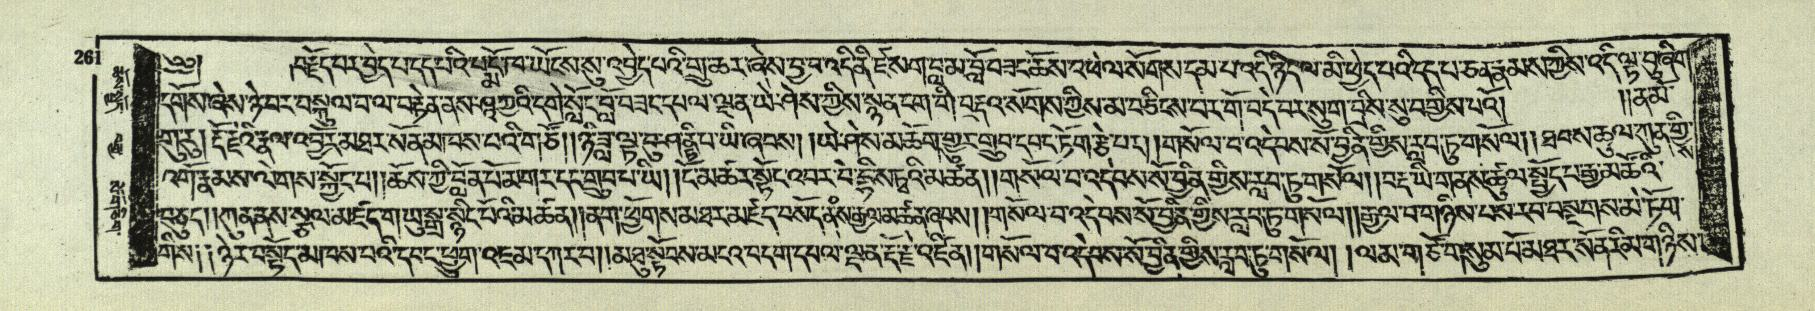༄༅། །བརྗོད་པར་བྱེད་པ་དད་པའི་པདམོ་ཁ་ཡོངས་སུ་འབྱེད་པའི་གྲུ་ཆར་ཞེས་བྱ་བ་འདི་ནི་རྫ་སག་བླ་མ་བློ་བཟང་ཆོས་འཕེལ་སོགས་དམ་པ་འདི་ཉིད་ལ་མི་ཕྱེད་པའི་དད་པ་ཅན་རྣམས་ཀྱིས་འདི་ལྟ་བུ་ཞིག་
དགོས་ཞེས་ཉེ་བར་བསྐུལ་བ་ལ་བརྟེན་ནས་ཤཱཀྱའི་དགེ་སློང་བློ་བཟང་དཔལ་ལྡན་ཡེ་ཤེས་ཀྱིས་སྙན་ངག་གི་བརྡའ་སོགས་ཀྱིས་མ་བཅིངས་པར་གོ་བདེ་བར་སུག་བྲིས་སུ་བགྱིས་པའོ། །།ན་མོ་
གུ་རུ། རྡོ་རྗེའི་རྣལ་འབྱོར་མཐར་སོན་མཁས་པའི་གཙོ། །ཉི་ཟླ་ལྟ་བུ་ཤ་ནྟི་པ་ཡི་ཞབས། །ཡེ་ཤེས་མཆོག་གྱུར་གྲུབ་དབང་ཏོག་རྩེ་པར། །གསོལ་བ་འདེབས་སོ་བྱིན་གྱིས་རླབ་ཏུ་གསོལ། །ཐབས་ཆུལ་ཀུན་གྱིས་
འགོ་རྣམས་ལེགས་སྐྱོང་པ། །ཆོས་ཀྱི་བློན་པོ་མགར་དང་གྲུབ་པ་ཡི། །ངོ་མཚར་སྟོང་འབར་བེ་དྷི་སྟྭའི་མཚན། །གསོལ་བ་འདེབས་སོ་བྱིན་གྱིས་རླབ་ཏུ་གསོལ། །བརྡ་ཡི་གནས་ཚུལ་སྤྱོད་པ་རྒྱ་མཚོའི་
བཅུད། །ཀུན་ནས་སྩལ་མཛད་གཡུ་སྒྲ་སྙིང་པོའི་མཚན། །ནག་ཕྱོགས་མཐར་མཛད་བསོད་ནཾས་རྒྱལ་མཚན་ཞབས། །གསོལ་བ་འདེབས་སོ་བྱིན་གྱིས་རླབ་ཏུ་གསོལ། །རྒྱལ་བ་གཉིས་པས་རབ་བསྔགས་མེ་ཏོག་
གིས༑ ༑ཉེར་བསྟོད་མཁས་པའི་དབང་ཕྱུག་འཇམ་དཀར་བ། །མཐུ་སྟོབས་མངའ་བདག་དཔལ་ལྡན་རྡོ་རྗེ་འཛིན། །གསོལ་བ་འདེབས་སོ་བྱིན་གྱིས་རླབ་ཏུ་གསོལ། །ལམ་གཙོ་གསུམ་པོ་མཐར་སོན་རིམ་གཉིས་